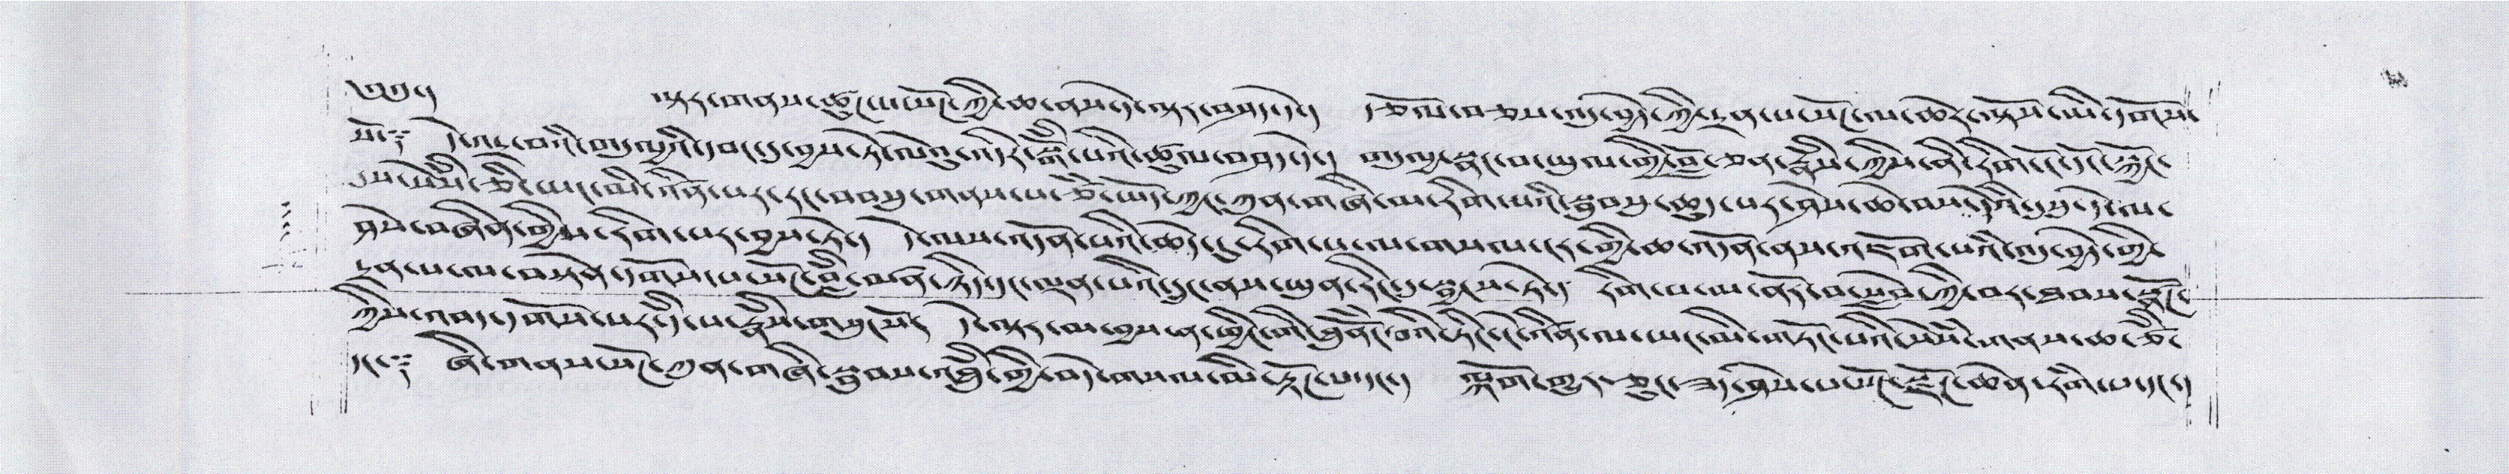ལྟར་གནས་ཚུགས་པ་སོགས་ཀྱི་ཆ་ནས་དེ་ལྟར་བཤད་དེ། རྩོལ་བཅས་འདུ་བྱེད་ཀྱི་དྲན་པ་སོགས་ལ་ཆེར་ལྟོས་མི་དགོས་
སོ། དེ་འདྲ་བའི་གདུལ་བྱའི་དབང་དུ་བྱས་ཏེ་ལེའུ་འདིར་སྒོམ་པའི་ཚུལ་བཤད་དེ། གདུལ་བྱ་སྣང་བ་ཡུལ་གྱི་བློ་ཅན་རྣམས་ཀྱིས་རིག་ངོ་དང་པོ་སྐྱོང་
དུས་སེམས་ཅི་ཡང་མི་འཛིན་པར་རང་བབས་སུ་གནས་པ་ཙམ་ཡོད་ཀྱང་ཀུན་གཞི་མ་རིག་པའི་སྦུབས་སུ་ཆུད་པར་ཤས་ཆེ་བས་དེའི་དུས་སུ་དེ་ལ་
ཤེས་བཞིོན་གྱིས་རིག་པར་བྱས་ཏེ། དེ་ལས་འདོན་པའི་ཆེད་དུ་རིག་པ་ལ་གསལ་ངར་གྱི་ཆ་འདོན་ནས་འཇོག་པའི་འདུ་བྱེད་ཀྱི་
དྲན་པ་ལ་བསྟེན་དགོས་པ་སོགས་བླ་མ་མཚན་ཉིད་དང་ལྡན་པའི་དྲུང་ནས་ཡུན་རིང་དུ་སྦྱངས་ཏེ། རིག་པ་མ་ནོར་བར་སླེབས་ཀྱི་བར་ཐབས་སྣ་ཚོགས་
ཀྱིས་འབད་དགོས་པར་དམ་པ་རྣམས་གསུངས་སོ། དེ་ལྟར་མ་འབད་ན་ཕྱི་ནང་ཐུན་མོང་གི་ཏིང་ངེ་འཛིན་ལ་ཡང་མི་གཏོང་པའི་སེམས་གནས་ཆ་ཙམ་
དང་། ཞི་གནས་སོགས་ཀུན་གཞི་སྦུབས་འཐུམས་ཀྱི་བདེ་གསལ་མི་རྟོག་པ་དང་། ལྐོག་གྱུར་ཅུང་ཟད་ཤེས་པ་སོགས་རྫོགས་ཆེན་རིག་པ་དང་